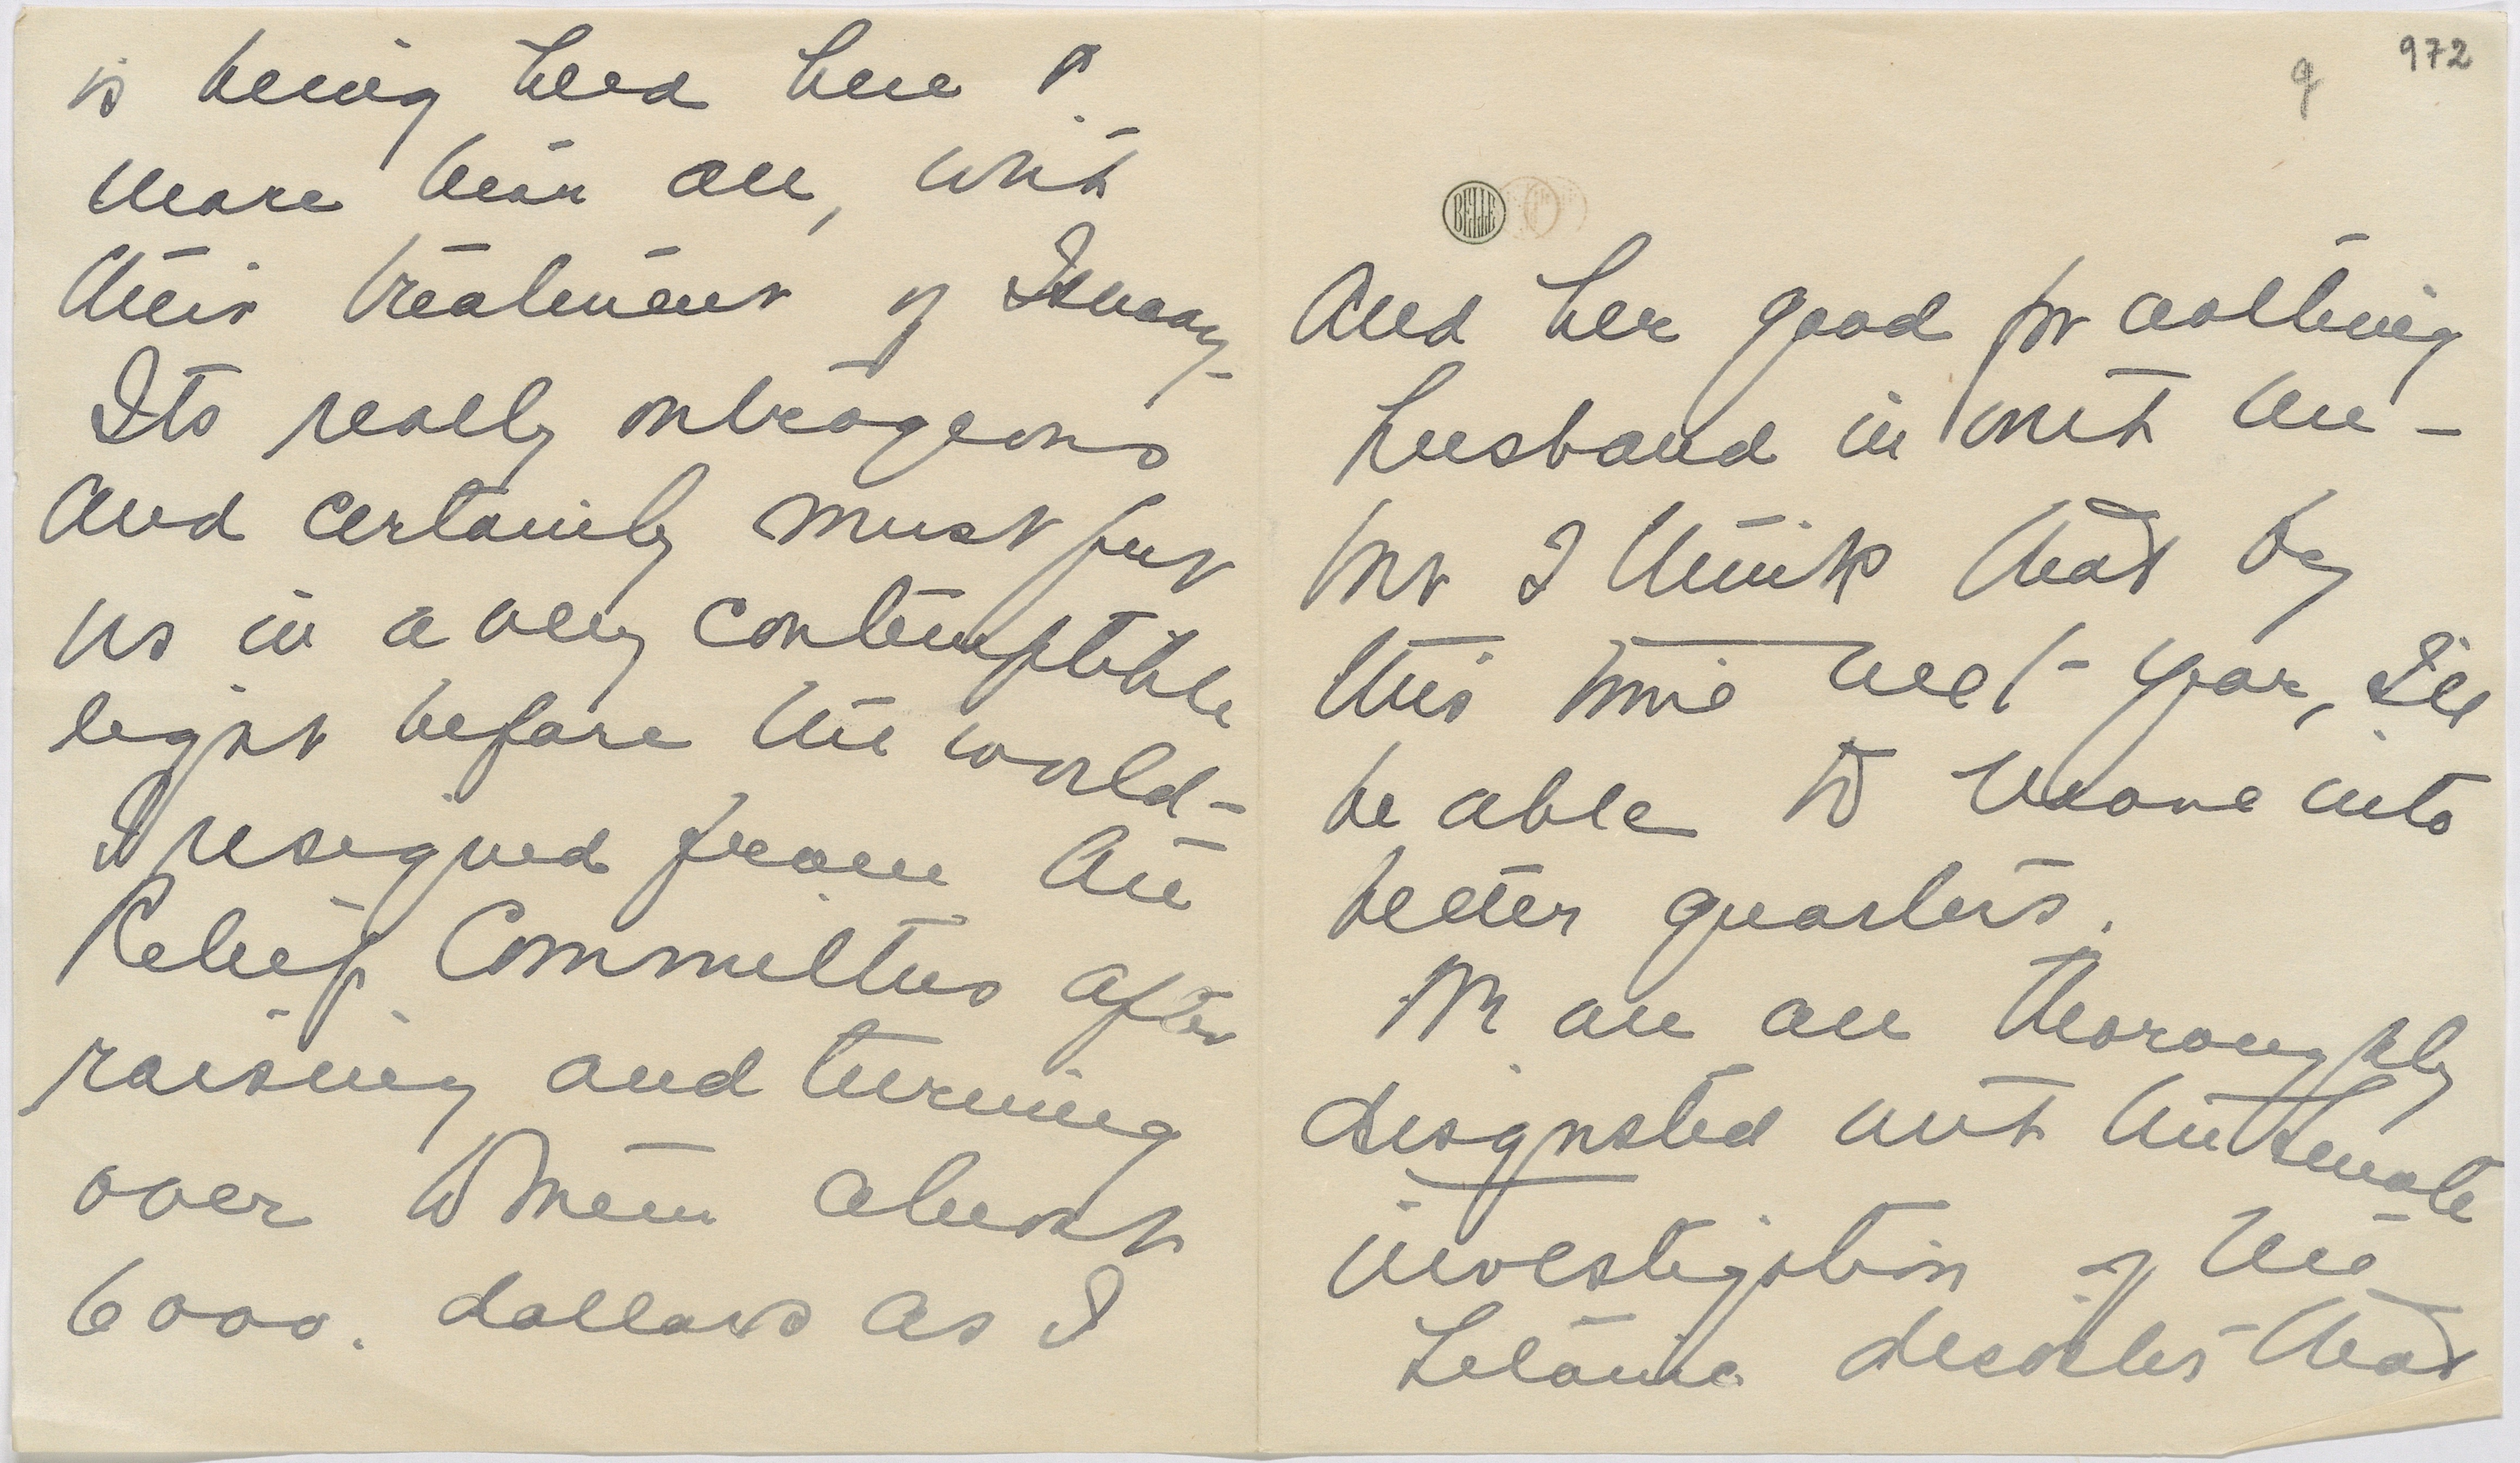and her good for nothing husband in with me – but I think that by this time next year, I’ll be able to move into better quarters.
We are all thoroughly disgusted with the Senate investigation of the Titanic disaster that
is being held here & more than all, with their treatment of Ismay –
Its [sic] really outrageous and certainly must put us in a very contemptible light before the world –
I resigned from the Relief Committees after raising and turning over to them almost 6000. dollars as I